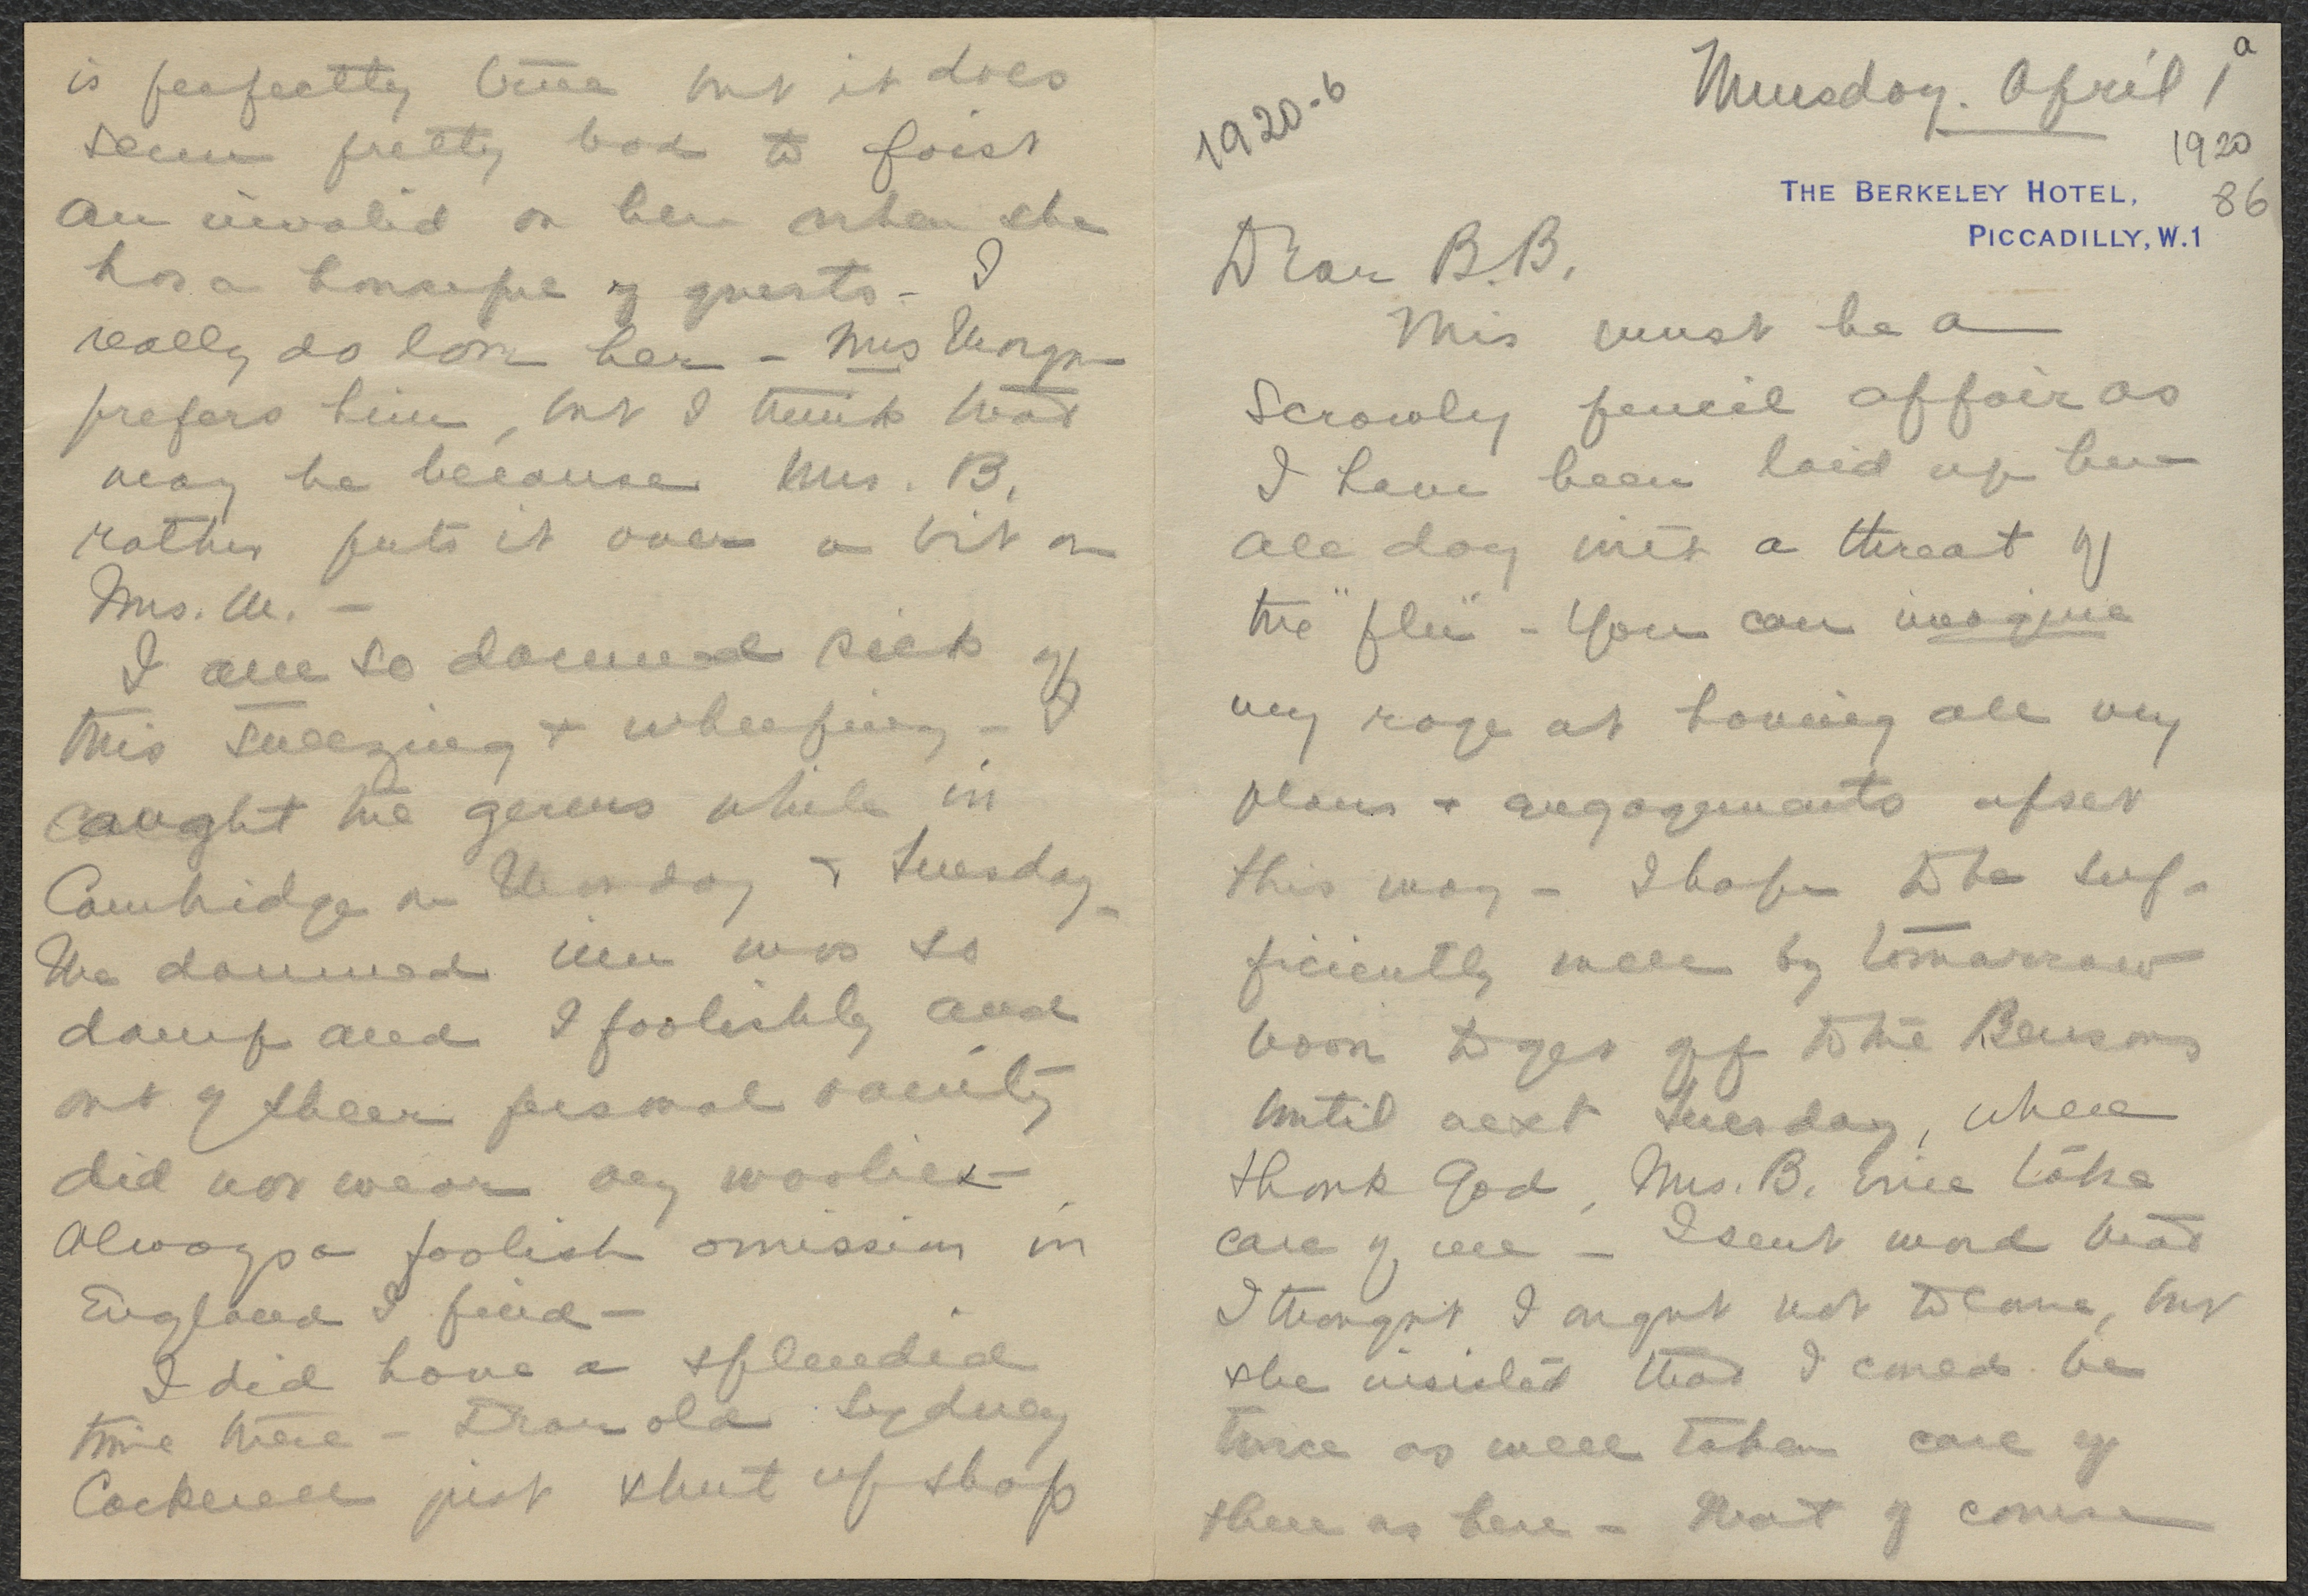Tuesday, April 1
Dear B.B.
This must be a scrawly pencil affair as I have been laid up here all day with a threat of the "flu" – You can imagine my rage at having all my plans & engagements upset this way – I hope to be sufficiently well by tomorrow noon to get off of to the Bensons until next Tuesday, where thank God, Mrs. B. will take care of me – I sent word that I thought I ought not to come, but she insisted that I could be twice as well taken care up there as here – That of course
is perfectly true but it does seem pretty bad to foist an invalid on her when she has a houseful of guests – I really do love her – Mrs Morgan prefers him, but I think that may be because Mrs. B. rather puts it over a bit on Mrs. M. –
I am so damned sick of this sneezing & wheezing – I caught the germs while in Cambridge on Monday & Tuesday – The damned inn was so damp and I foolishly and out of sheer personal vanity did not wear my woolies – Always a foolish omission in England I find –
I did have a splendid time there – Dear old Sydney Cockerell just shut up shop